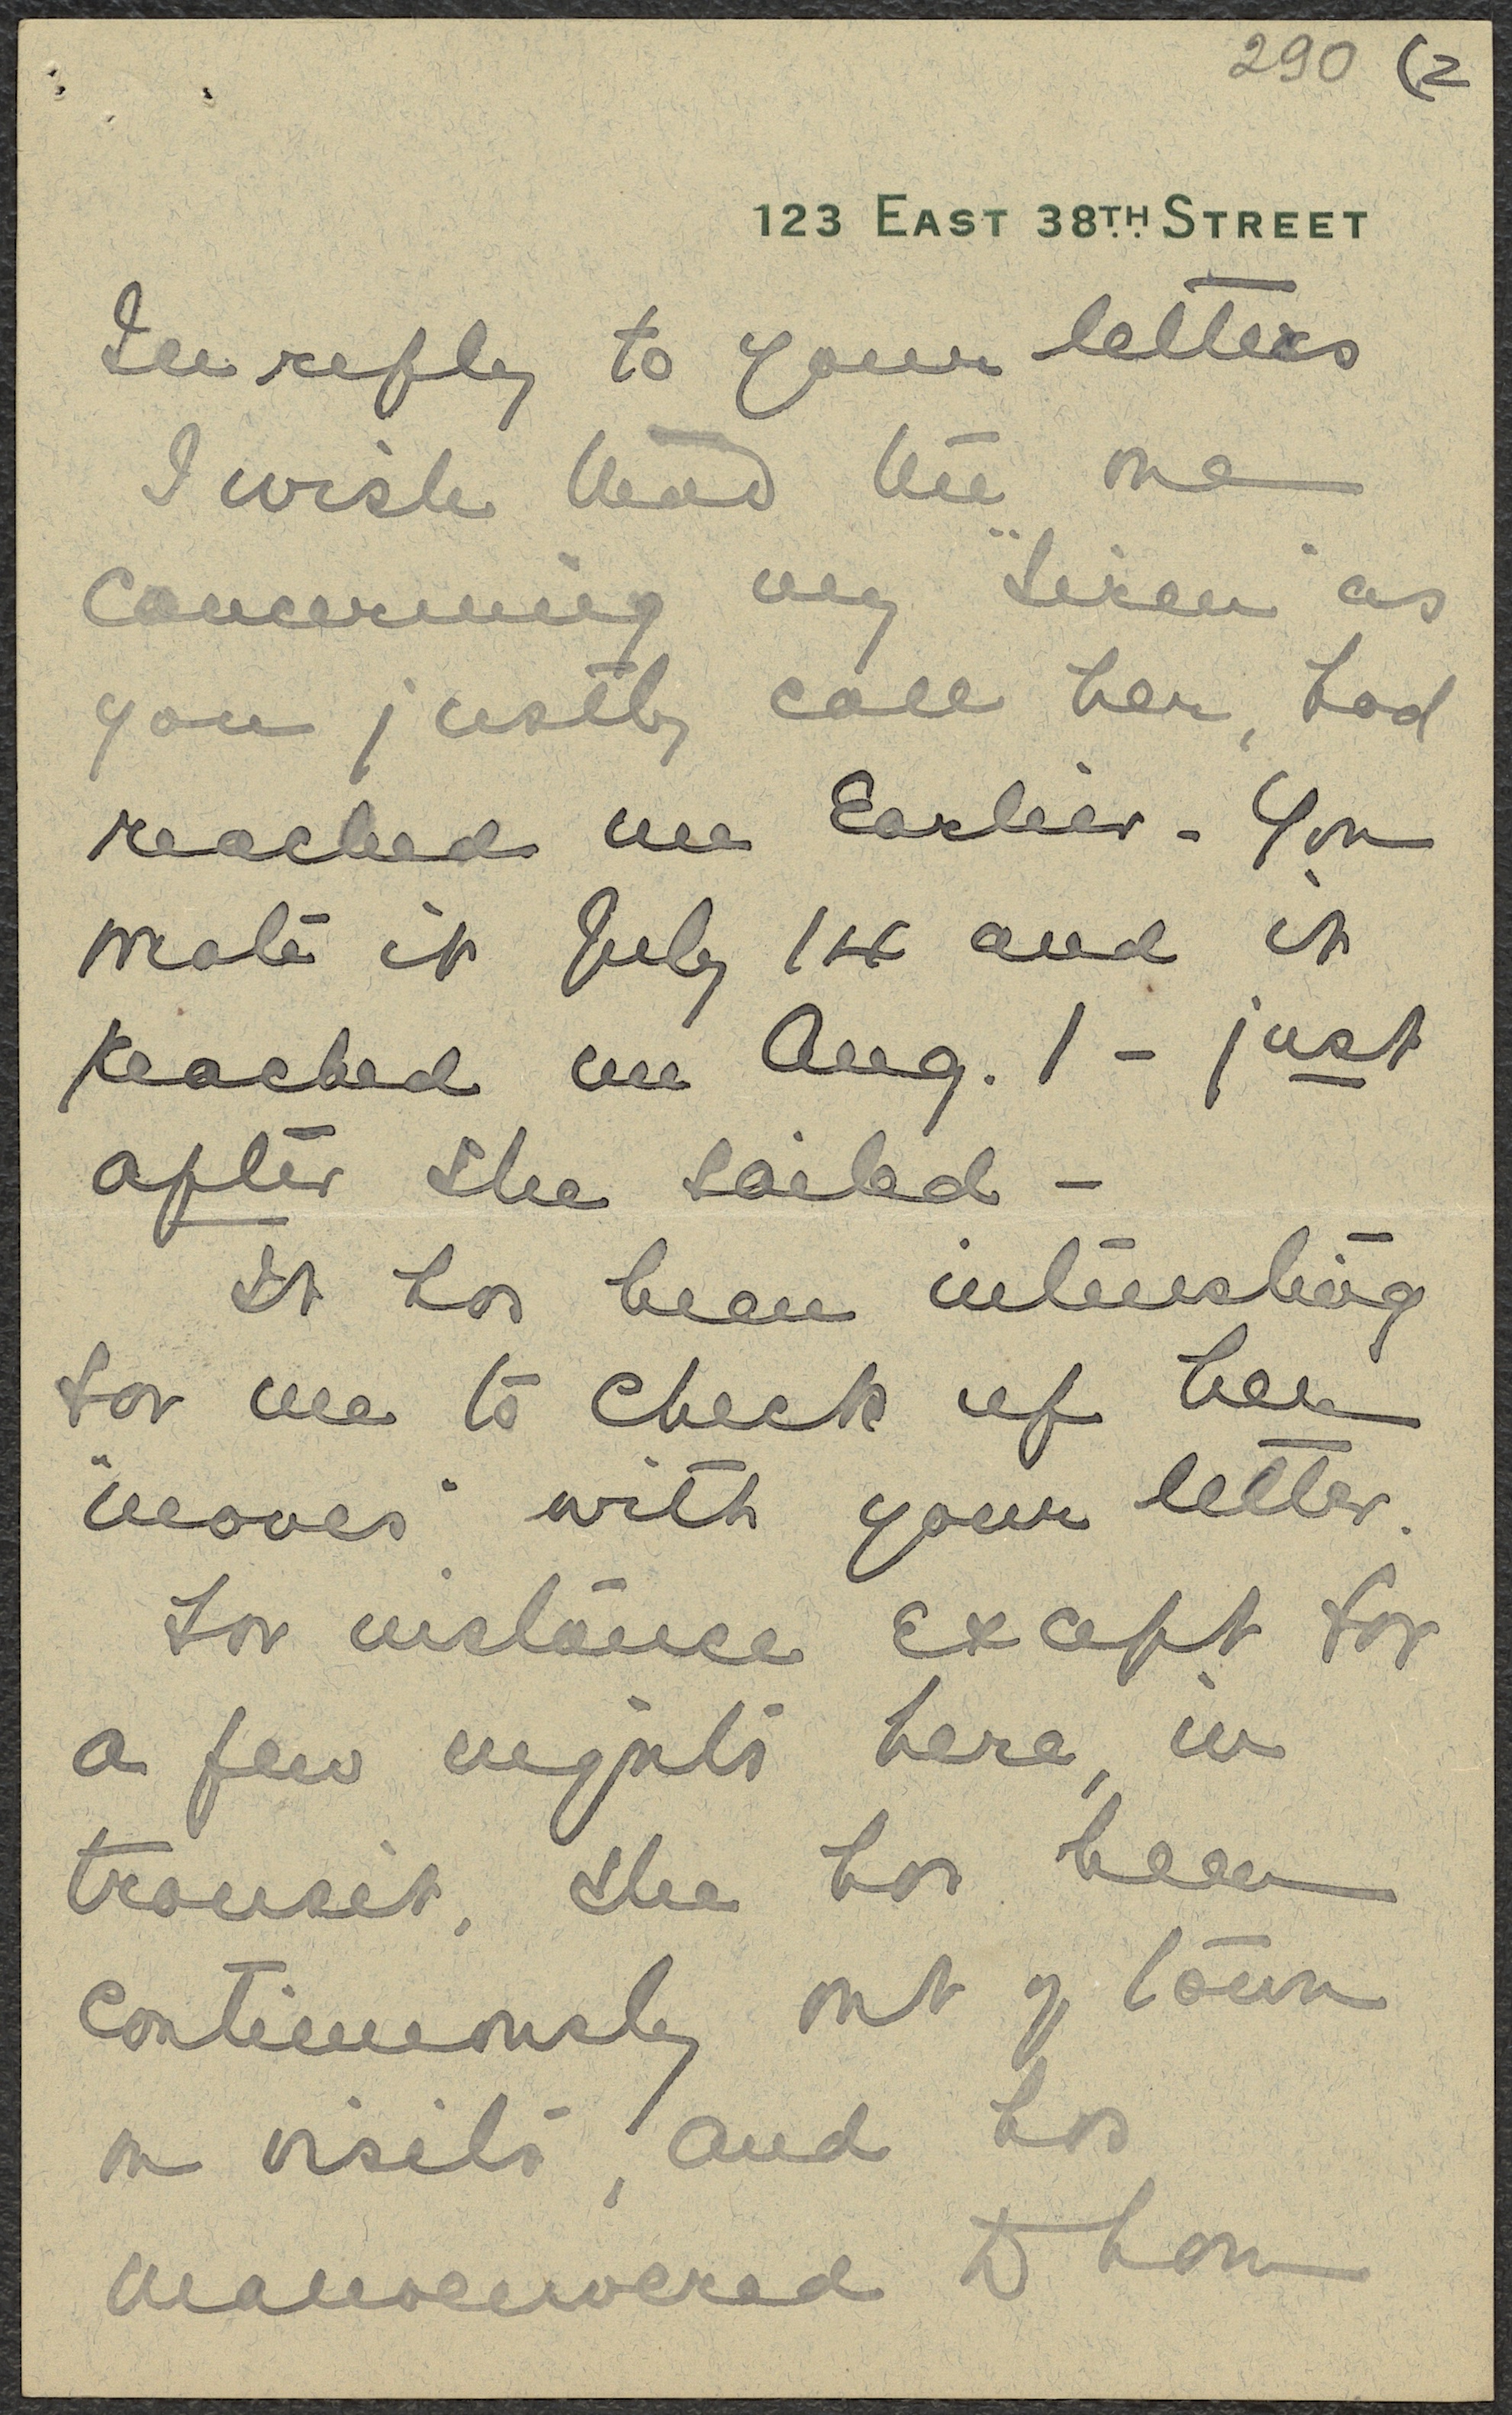In reply to your letters
I wish that the one concerning my “Siren” as you justly call her, had reached me earlier – You wrote it July 14 and it reached me Aug. 1 – just after she sailed –
It has been interesting for me to check up her “moves” with your letter.
For instance except for a few nights here, in transit, she has been continuously out of town on visits, and has maneuvered to have